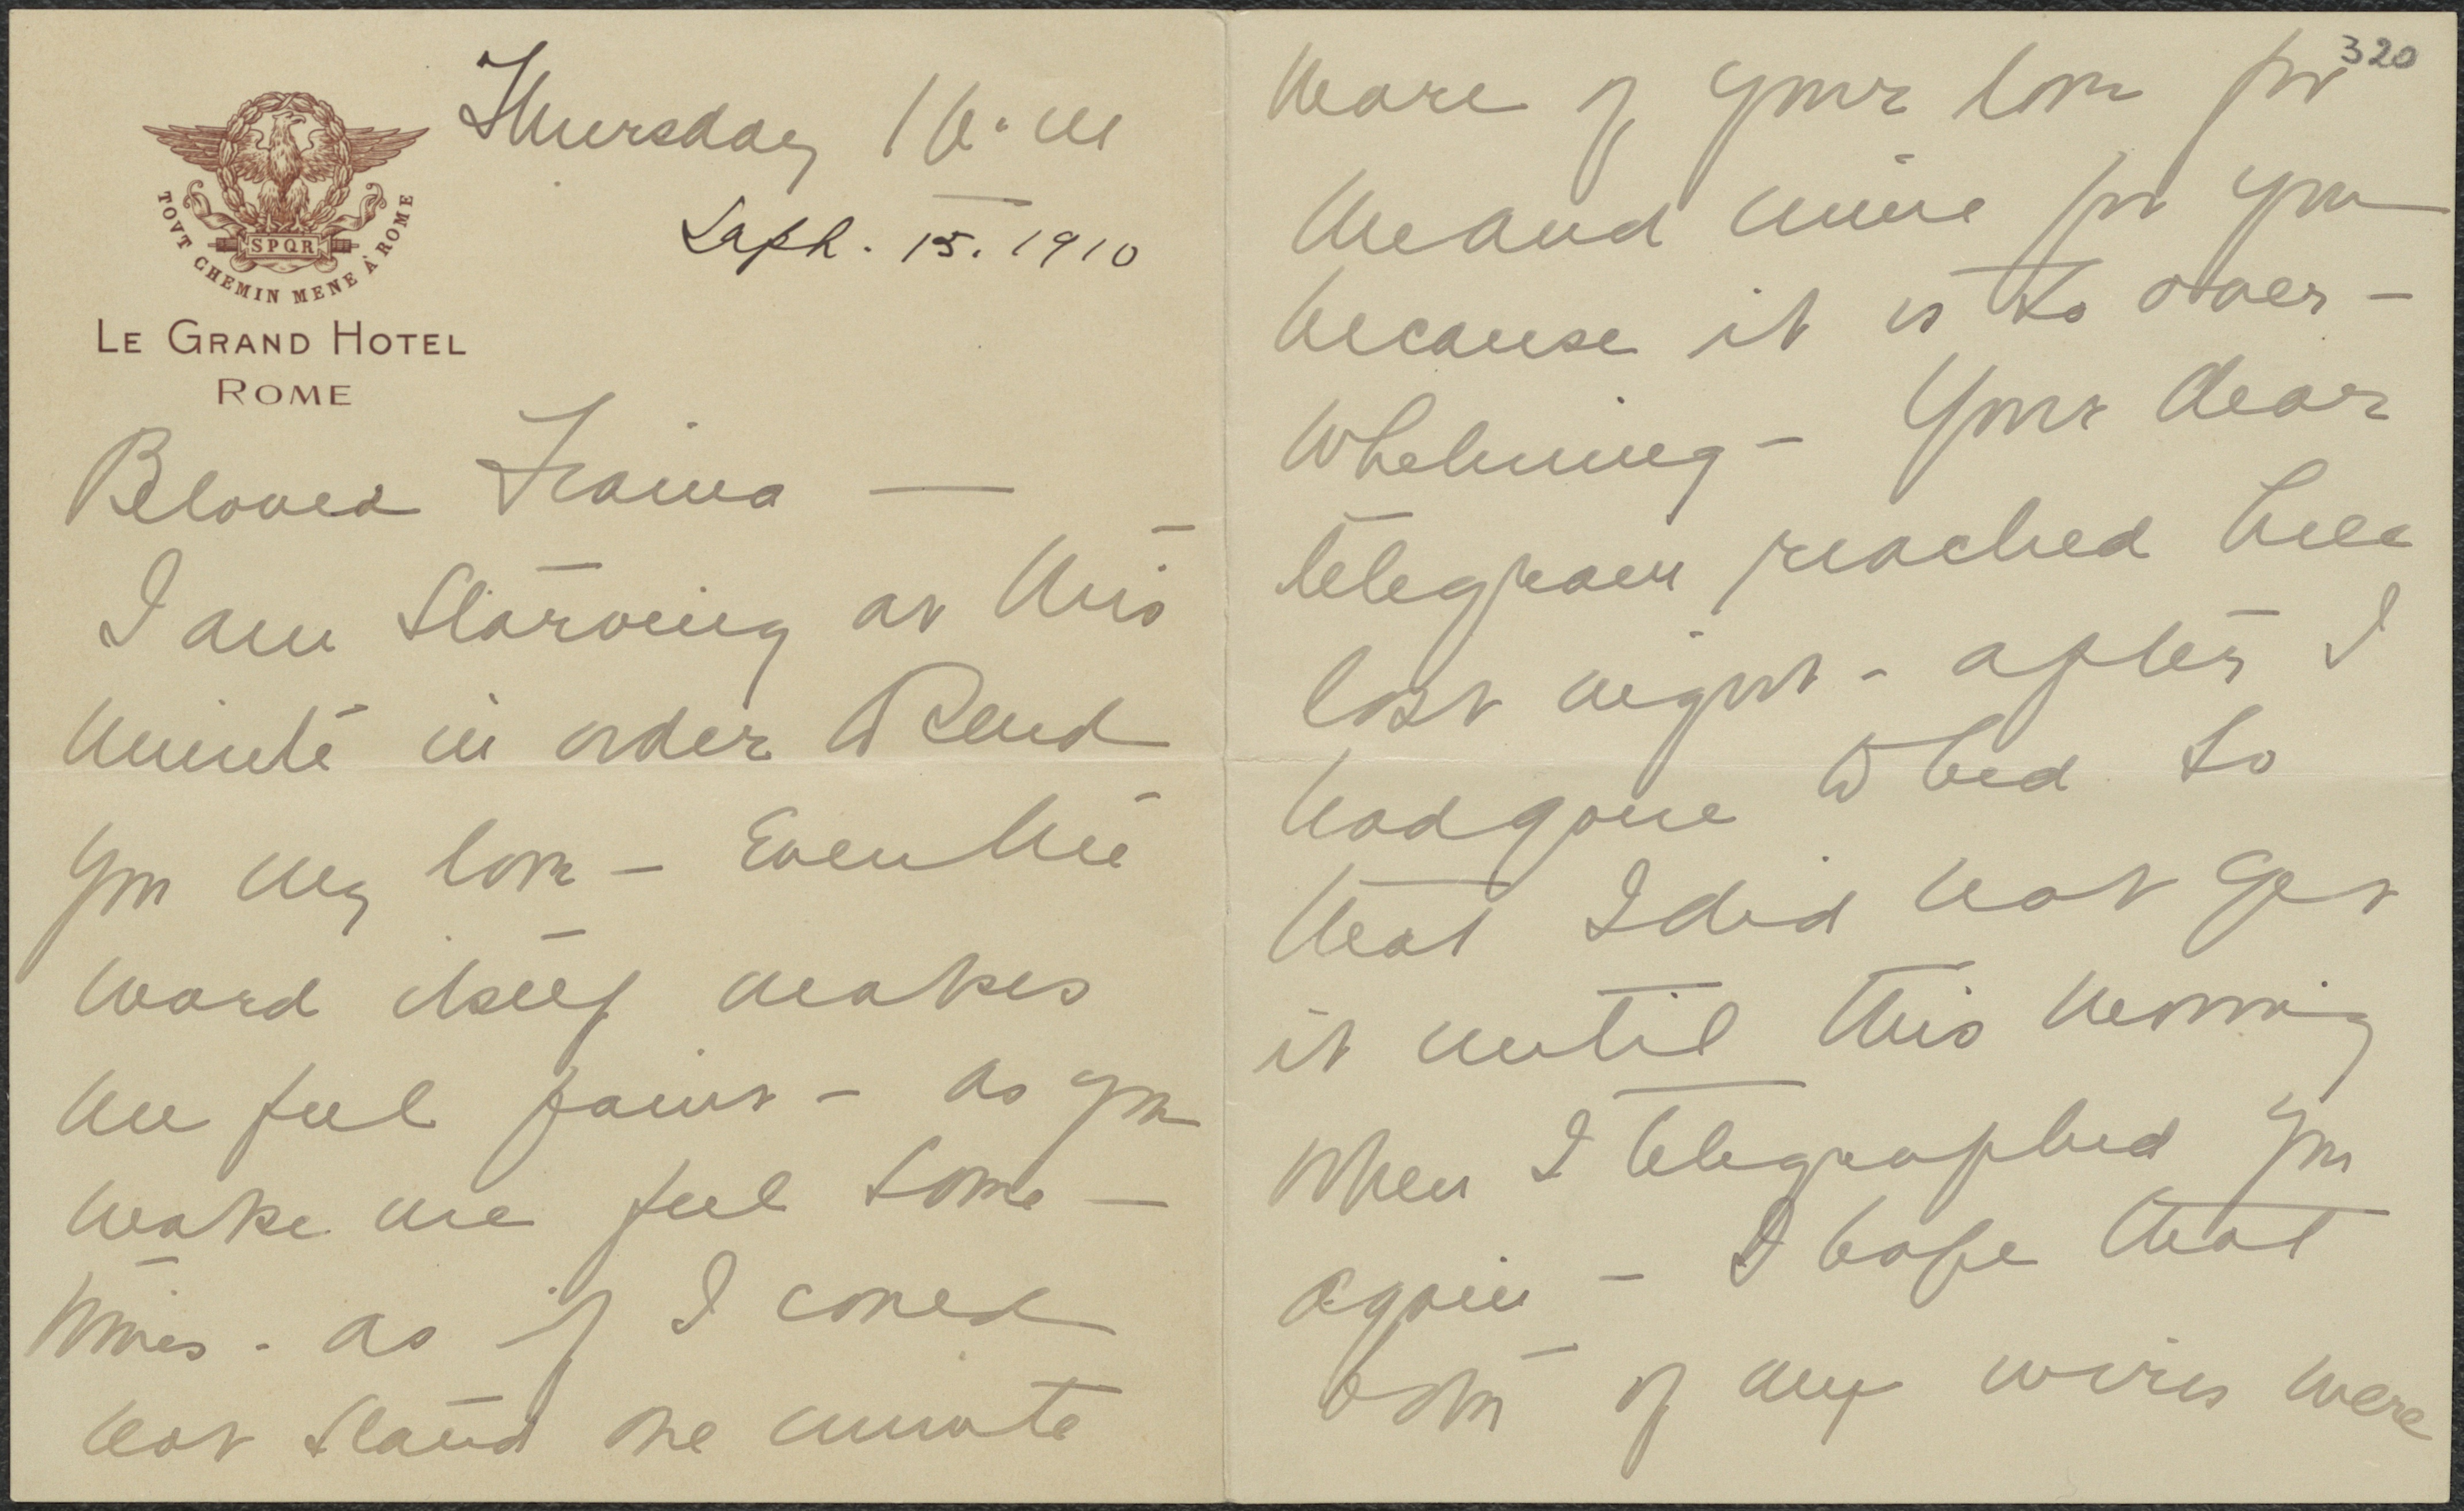Thursday 16th
Beloved Fiama –
I am starving at this minute in order to send you my love – even the word itself makes me feel faint – do you make me feel sometimes as if I could not stand one minute
more of your love for me and mine for you because it is so overwhelming – Your dear telegram reached here last night – after I had gone to bed so that I did not get it until this morning when I telegraphed you again – I hope that both of my wires were